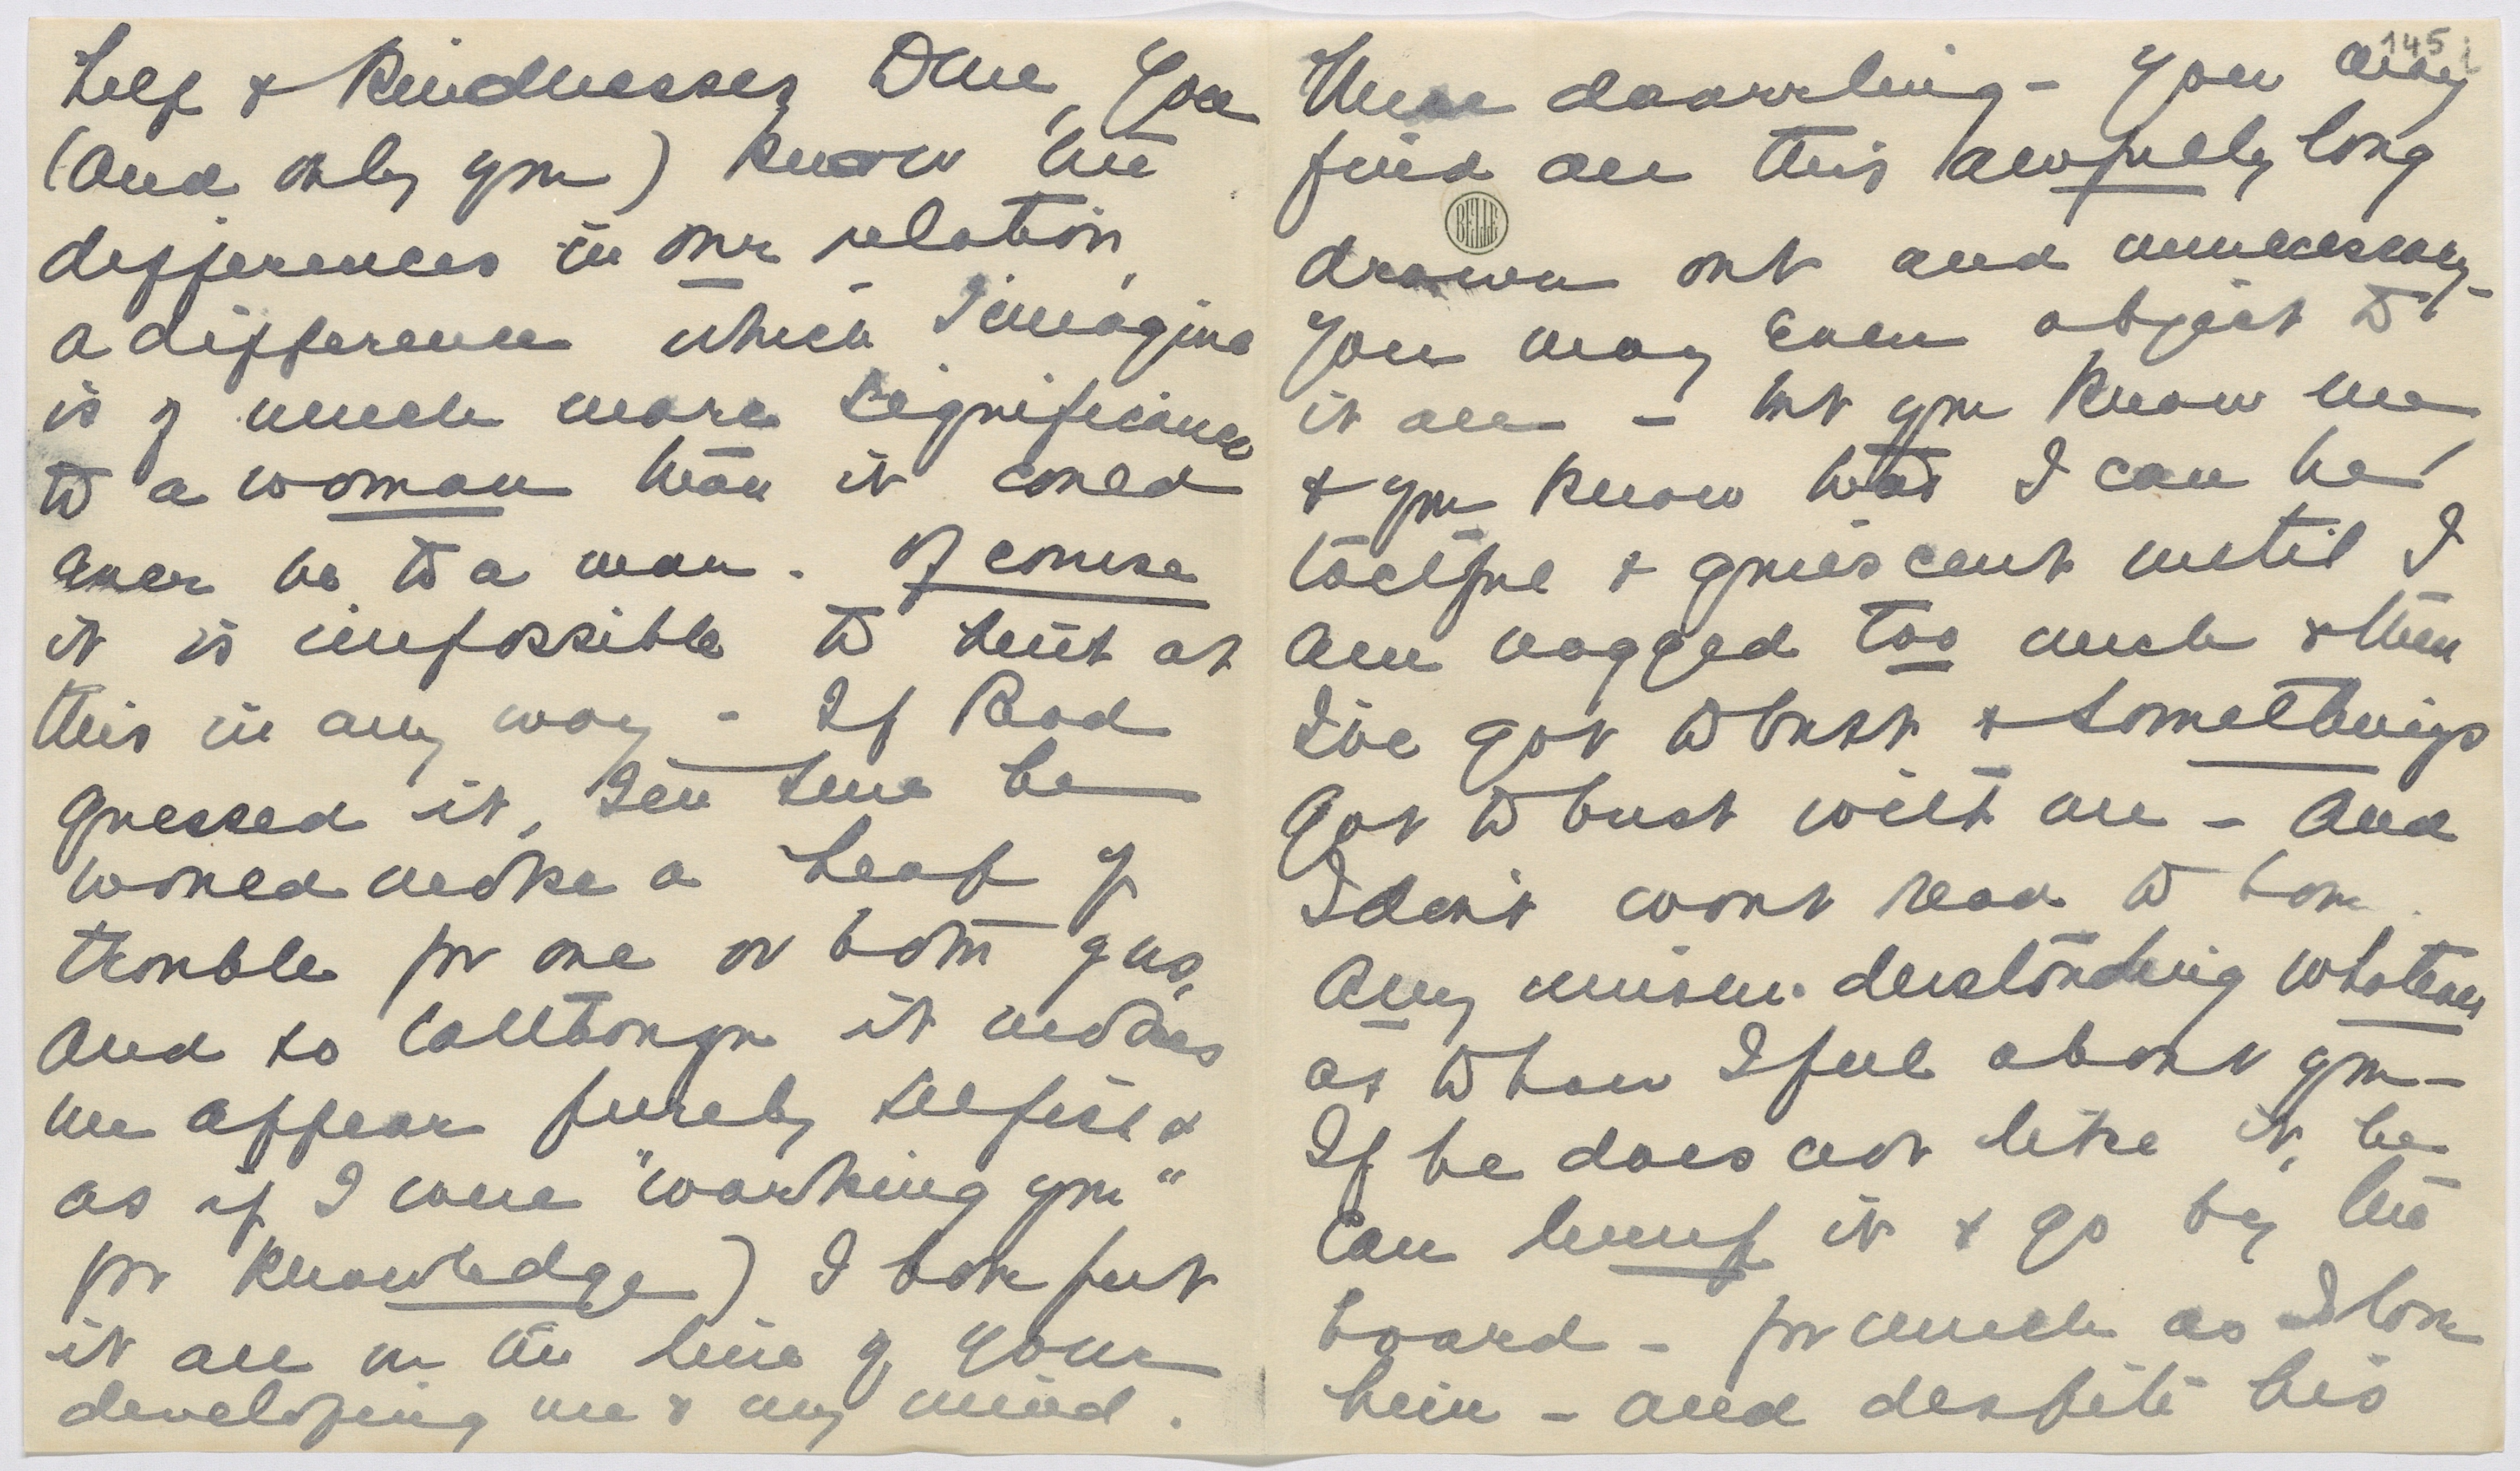There daarrling – you may find all this awfully long drawn out and unnecessary – you may even object to it all – but you know me & you know that I can be tactful & quiescent until I am nagged too much & then I’ve got to bust & somethings got to bust with me – and I don’t want Read to have any misunderstanding whatever as to how I feel about you – If he does not like it, he can lump it & go by the board – for much as I love him – and despite his
help & kindnesses to me you (and only you) know the differences in our relation, a difference which I imagine is of much more significance to a woman than it could ever be to a man. of course it is impossible to hint at this in any way – If Read guessed it, I am sure he would make a heap of trouble for one or both of us, and so (although it makes me appear purely selfish & as if I were “working you” for knowledge) I have put it all in the line of your developing me & my mind.